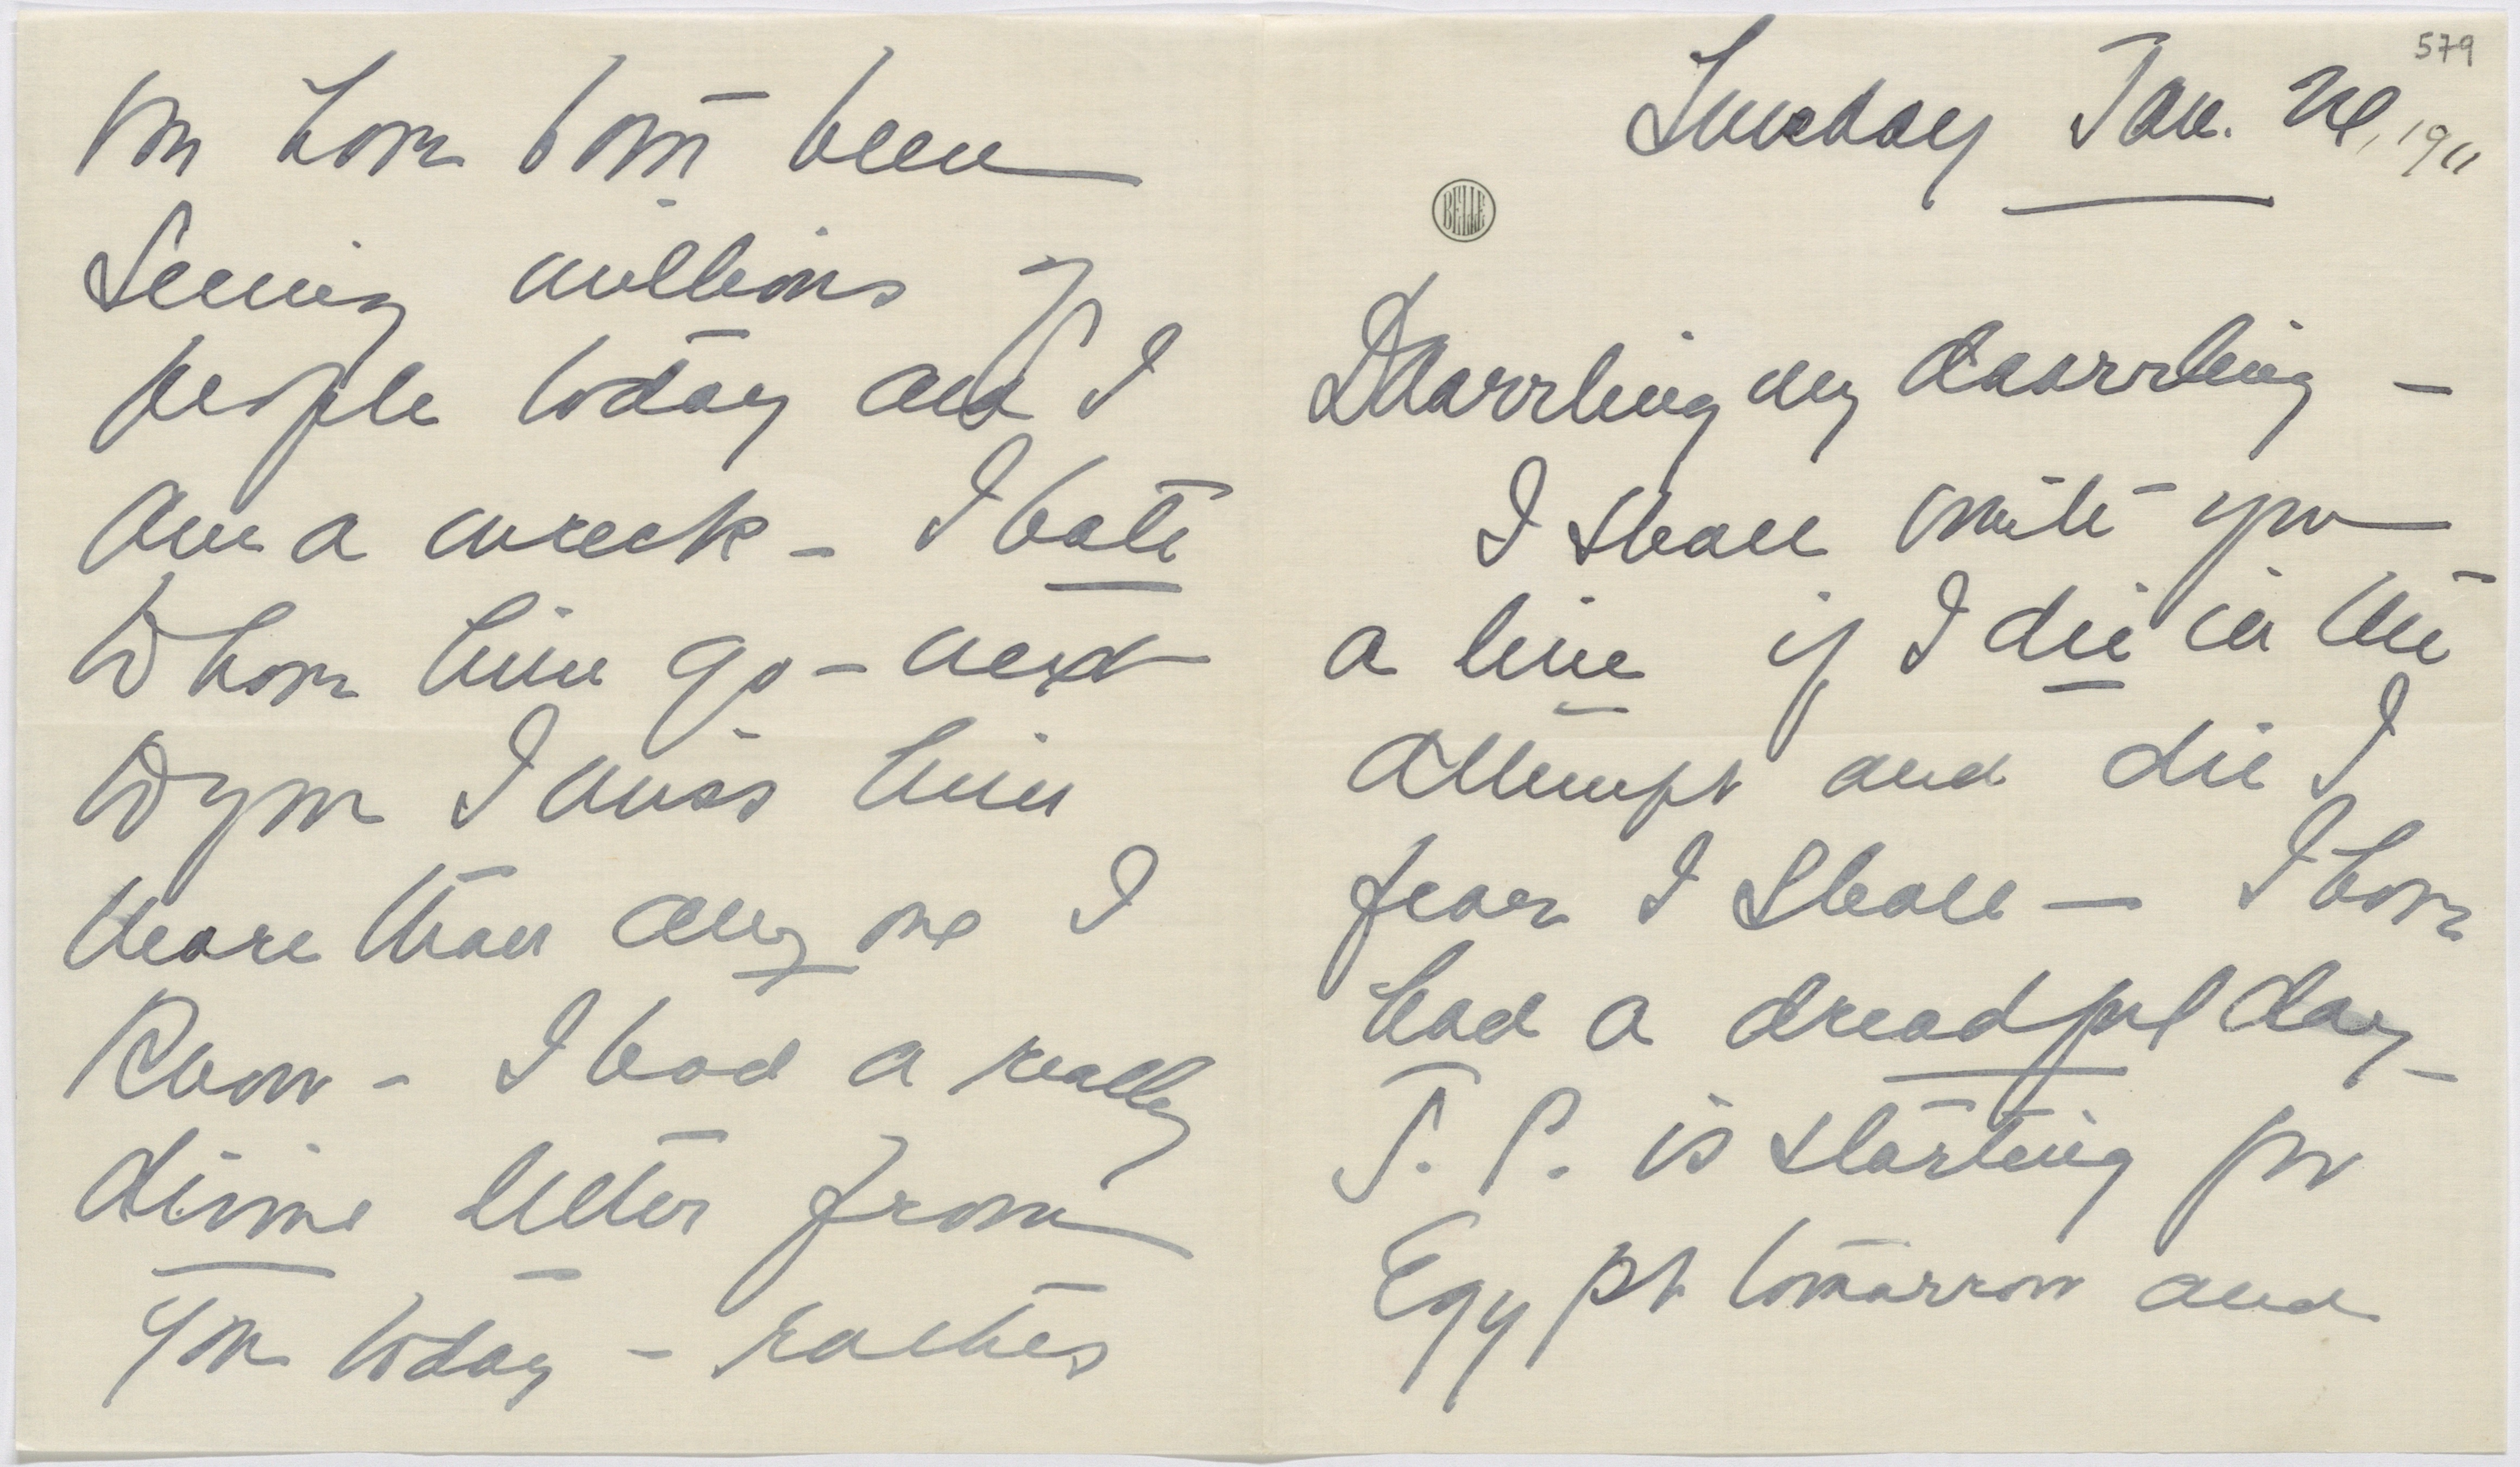Tuesday Jan. 24
Daarrling my daarrling –
I shall write you a line if I die in the attempt and die I fear I shall – I have had a dreadful day – J. P. is starting for Egypt tomorrow and
we have both been seeing millions of people today and I am a wreck – I hate to have him go – next to you I miss him more than any one I know – I had a really divine letter from you today – rather